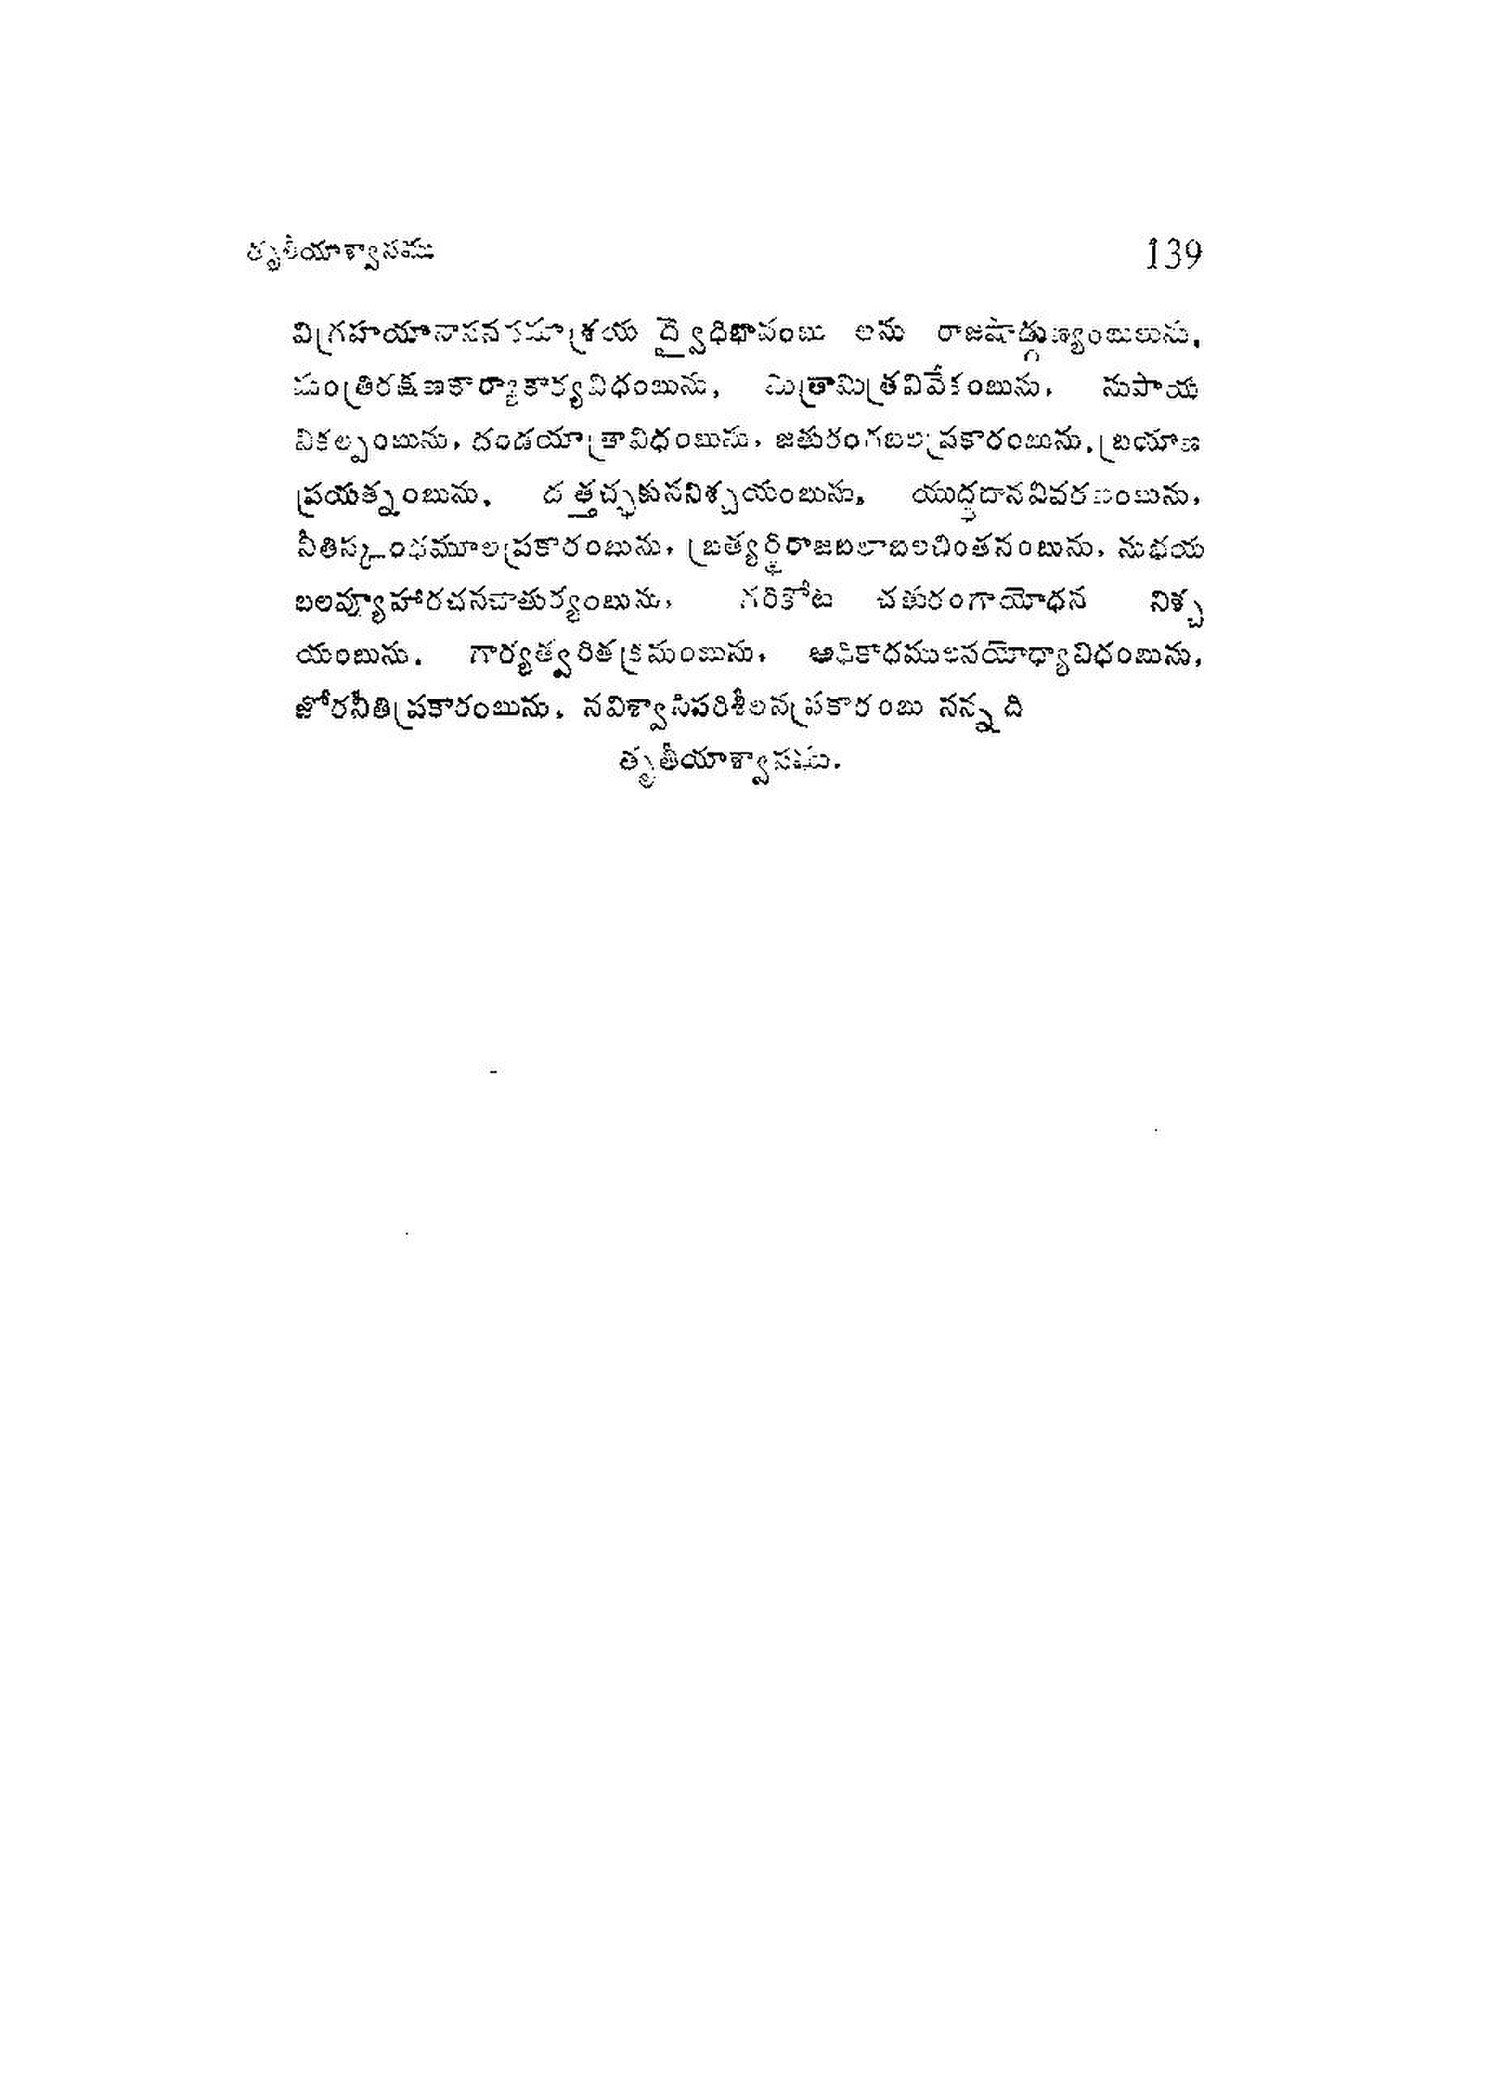విగ్రహయానాసనసమాశ్రయ ద్వైధిభావంబు లను రాజషాడ్గుణ్యంబులును, మంత్రిరక్షణకార్యాకార్యవిధంబును, మిత్రామిత్రవివేకంబును, నుపాయవికల్పంబును, దండయాత్రావిధంబును, జతురంగబలప్రకారంబును, బ్రయాణప్రయత్నంబును, దత్తచ్ఛకుననిశ్చయంబును, యుద్ధదానవివరణంబును, నీతిస్కంధమూలప్రకారంబును, బ్రత్యర్థిరాజబలాబలచింతనంబును, నుభయబలవ్యూహారచనచాతుర్యంబును, గరికోట చతురంగాయోధననిశ్చయంబును, గార్యత్వరితక్రమంబును, అధికాధముల సయోధ్యావిధంబును, జోరనీతిప్రకారంబును, నవిశ్వాసపరిశీలనప్రకారంబు నన్నది తృతీయాశ్వాసము.